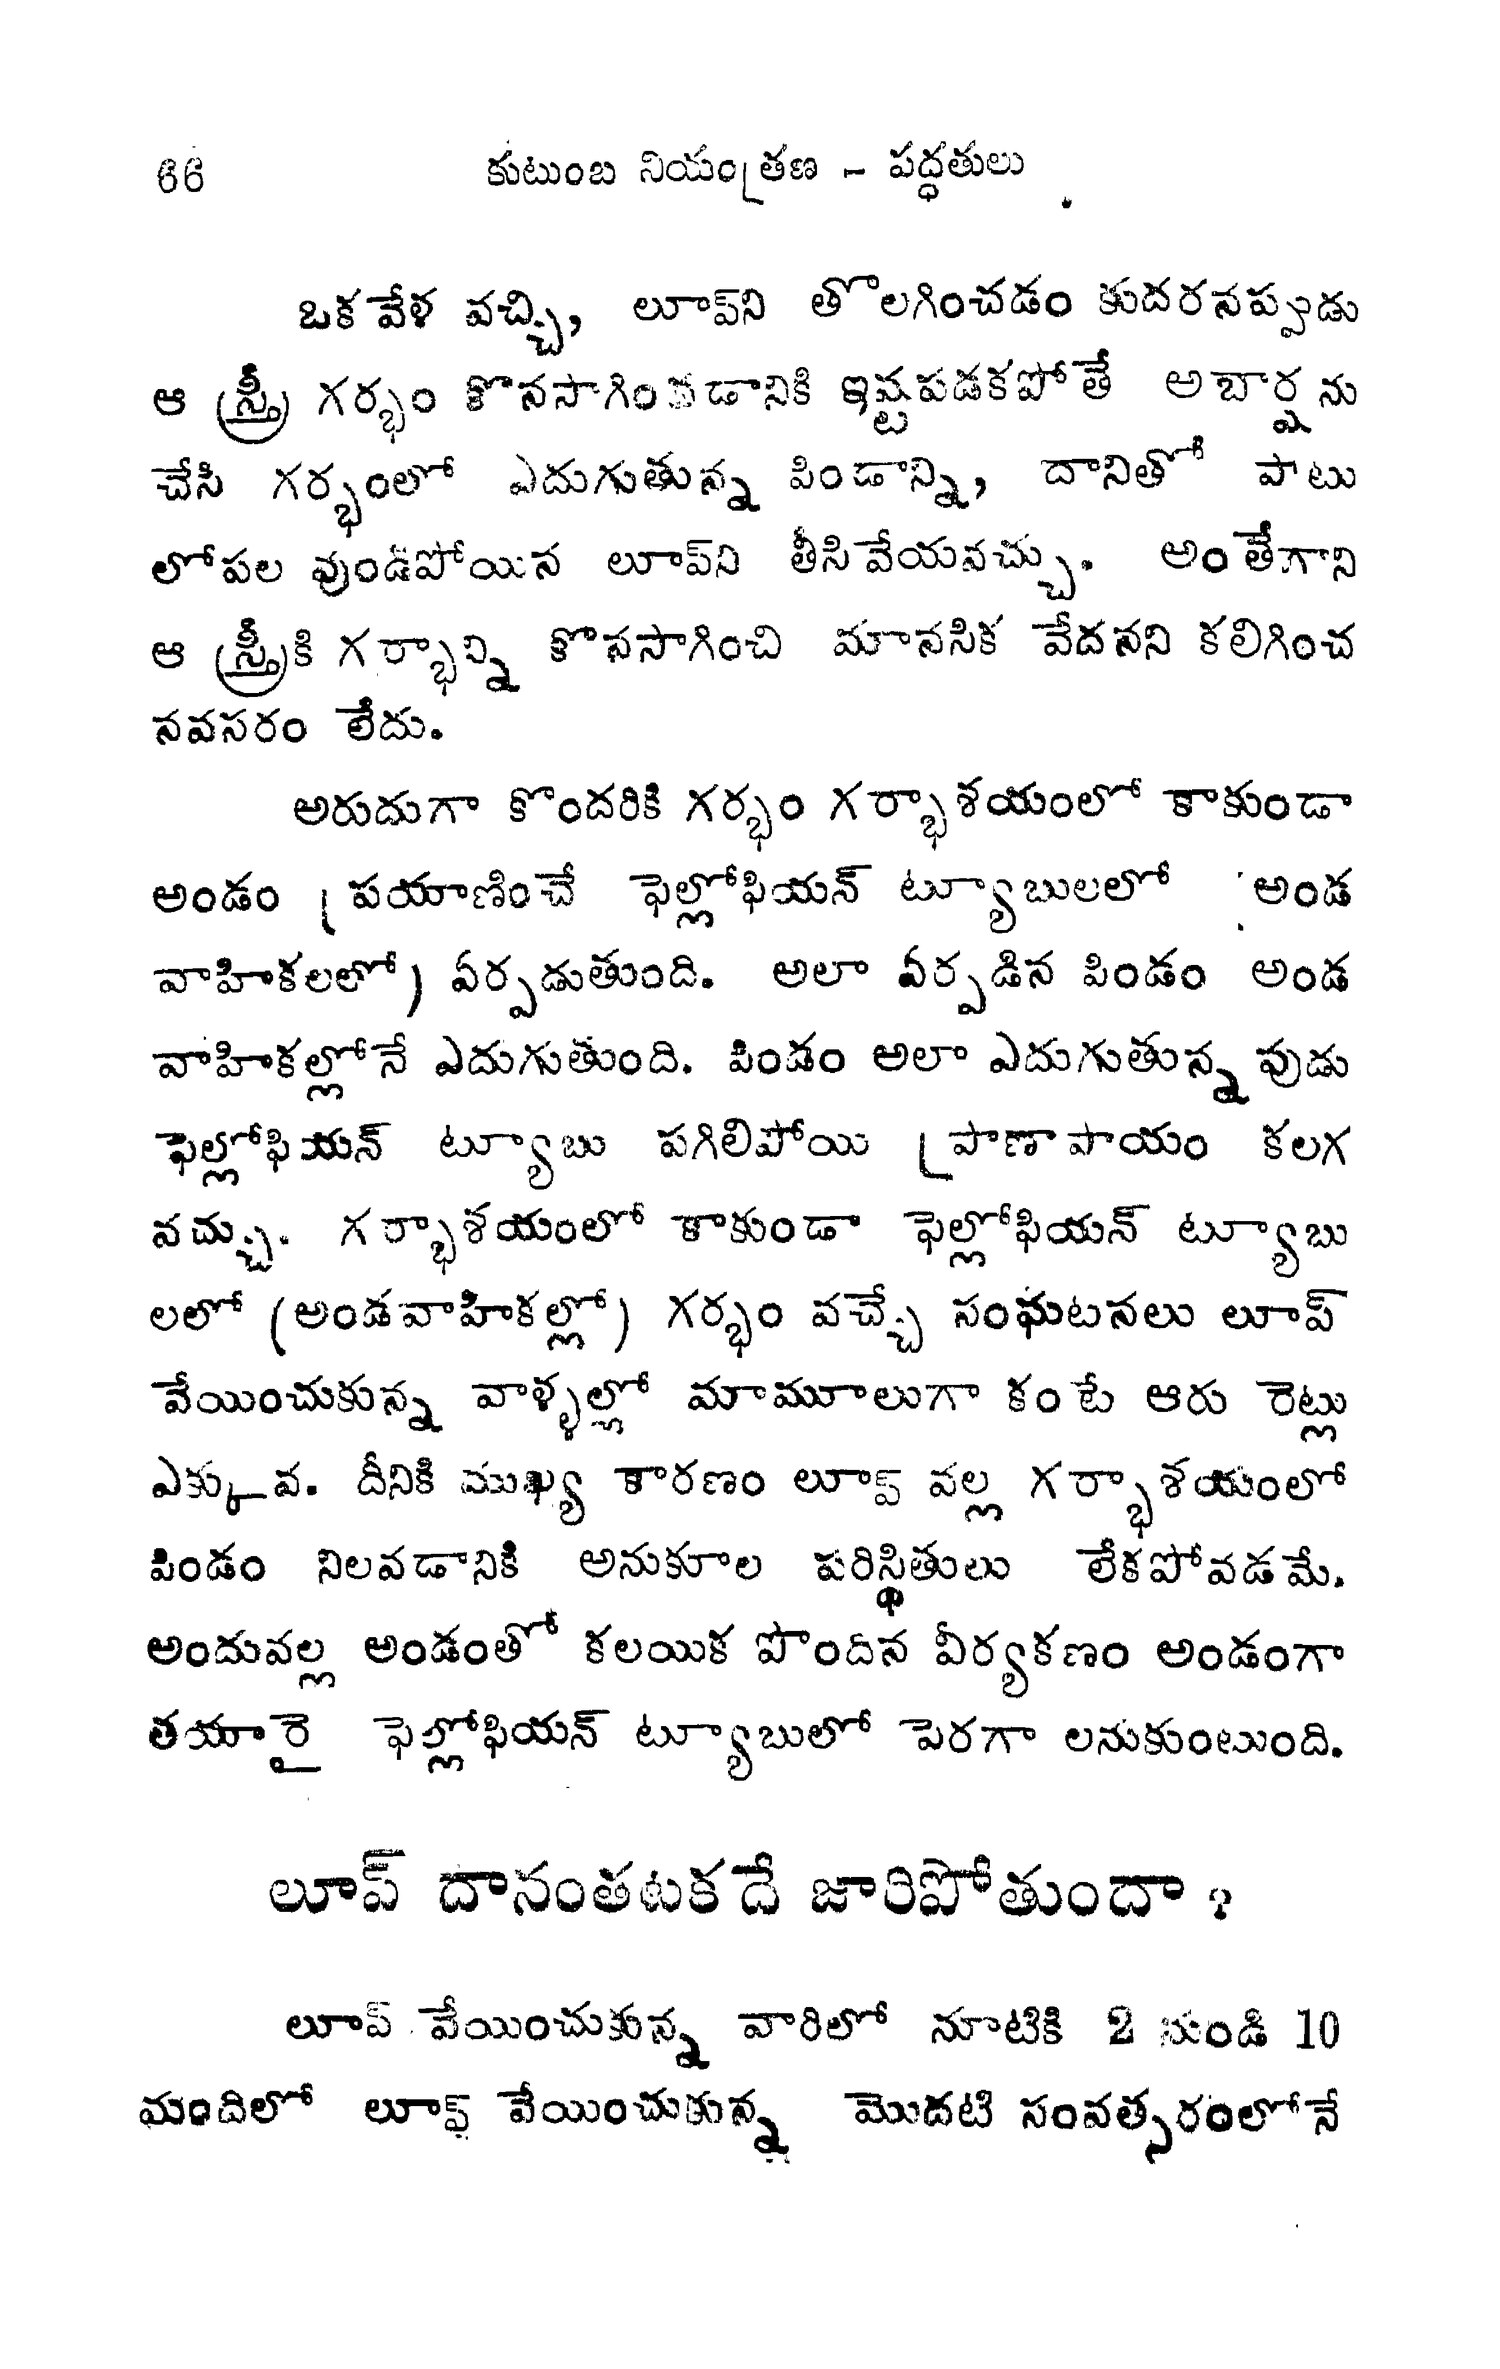ఒకవేళ వచ్చి, లూప్‌ని తొలగించడం కుదరనప్పుడు ఆ స్త్రీ గర్భం కొనసాగించడానికి ఇష్టపడకపోతే అబార్షను చేసి గర్భంలో ఎదుగుతున్న పిండాన్ని, దానితో పాటు లోపల వుండిపోయిన లూప్‌ని తీసివేయవచ్చు. అంతేగాని ఆ స్త్రీకి గర్బాన్ని కొనసాగించి మానసిక వేదనని కలిగించ నవసరం లేదు.

అరుదుగా కొందరికి గర్బం గర్భాశయంలో కాకుండా అండం ప్రయాణించే ఫెల్లోఫియన్ ట్యూబులలో అండ వాహికలలో ఏర్పడుతుంది. అలా ఏర్పడిన పిండం అండవాహికల్లోనే ఎదుగుతుంది. పిండం ఎదుగుతున్నపుడు ఫెల్లోఫియన్ ట్యూబు పగిలిపోయి ప్రాణాపాయం కలగవచ్చు. గర్భాశయంలో కాకుండా ఫెల్లోఫియన్ ట్యూబులలో (అండవాహికల్లో) గర్భం వచ్చే సంఘటనలు లూప్ వేయించుకున్న వాళ్లల్లో మామూలుగా కంటే ఆరు రెట్లు ఎక్కువ. దీనికి ముఖ్య కారణం లూప్ వల్ల గర్భాశయంలో పిండం నిలవడానికి అనుకూల పరిస్థితులు లేకపోవడమే. అందువల్ల అండంతో కలయిక పొందిన వీర్యకణం అండంగా తయారై ఫెల్లోఫియన్ ట్యూబులో పెరగా లనుకుంటుంది.

లూప్ వేయించుకున్న వారిలో నూటికి 2 నుండి 10 మందిలో లూప్ వేయించుకున్న మొదటి సంవత్సరంలోనే